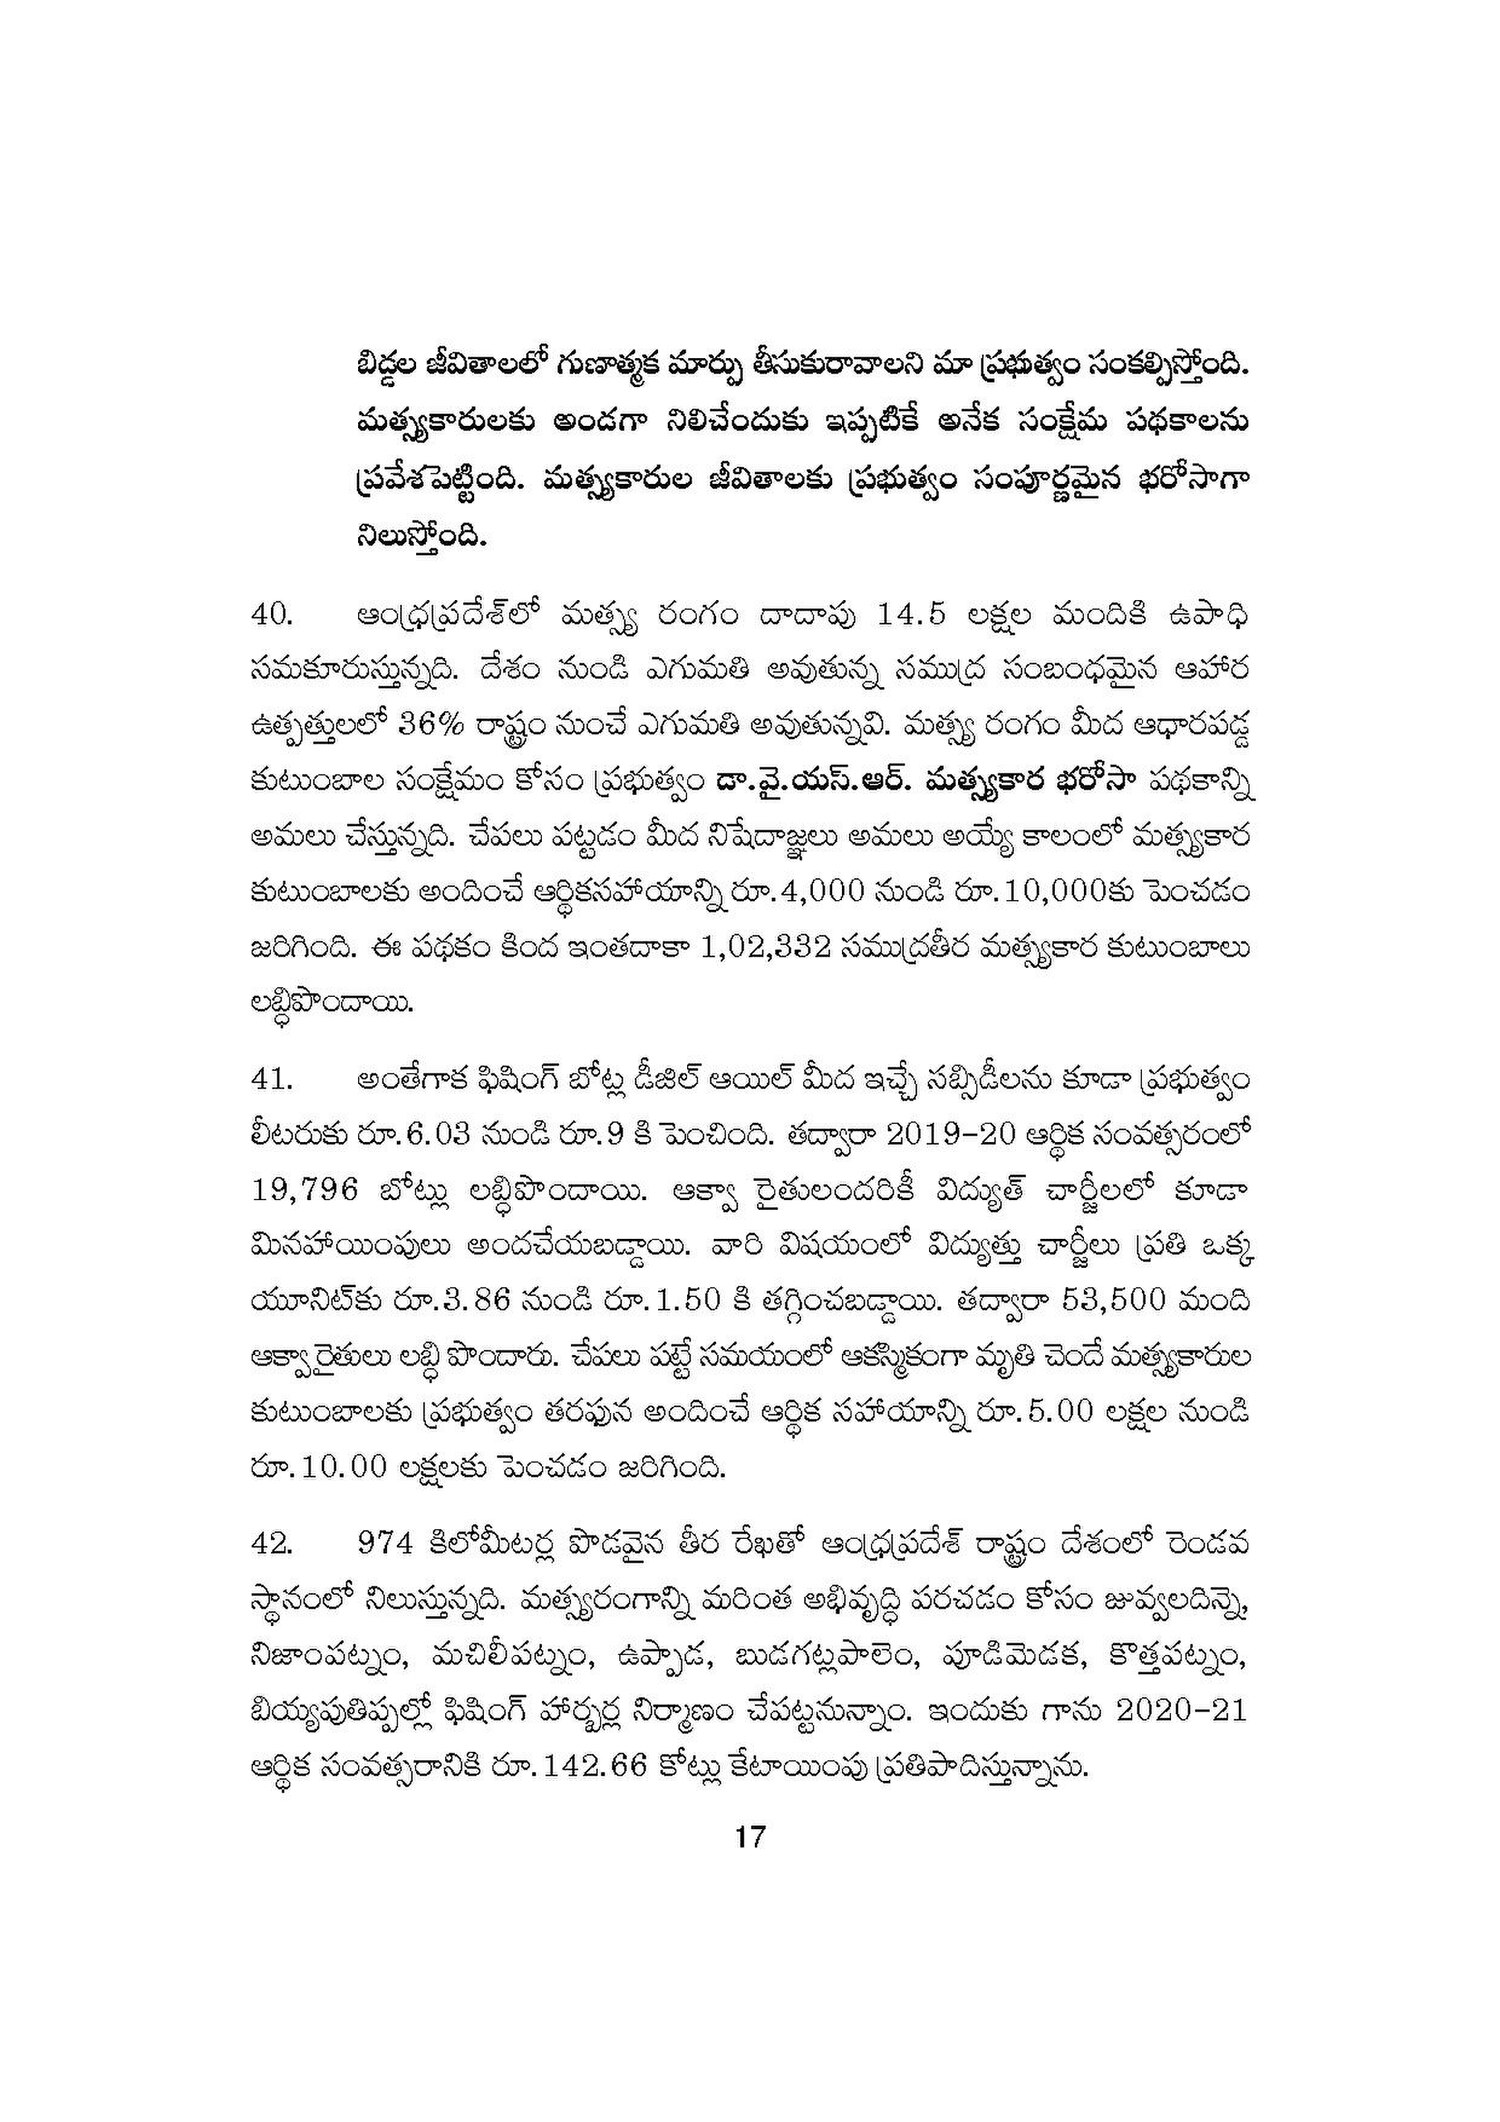బిడ్డల జీవితాలలో గుణాత్మక మార్పు తీసుకురావాలని మా ప్రభుత్వం సంకల్పిస్తోంది. మత్స్యకారులకు అండగా నిలిచేందుకు ఇప్పటికే అనేక సంక్షేమ పథకాలను ప్రవేశపెట్టింది. మత్స్యకారుల జీవితాలకు ప్రభుత్వం సంపూర్ణమైన భరోసాగా నిలుస్తోంది.  

40. ఆంధ్రప్రదేశ్ లో మత్స్య రంగం దాదాపు 14.5 లక్షల మందికి ఉపాధి సమకూరుస్తున్నది. దేశం నుండి ఎగుమతి అవుతున్న సముద్ర సంబంధమైన ఆహార ఉత్పత్తులలో 36% రాష్ట్రం నుంచే ఎగుమతి అవుతున్నవి. మత్స్య రంగం మీద ఆధారపడ్డ కుటుంబాల సంక్షేమం కోసం ప్రభుత్వం డా.వై.యస్.ఆర్. మత్స్యకార భరోసా పథకాన్ని అమలు చేస్తున్నది. చేపలు పట్టడం మీద నిషేదాజ్ఞలు అమలు అయ్యే కాలంలో మత్స్యకార కుటుంబాలకు అందించే ఆర్థిక సహాయాన్ని రూ.4,000 నుండి రూ.10,000కు పెంచడం జరిగింది. ఈ పథకం కింద ఇంతదాకా 1,02,332 సముద్రతీర మత్స్యకార కుటుంబాలు లబ్దిపొందాయి. 

41. అంతేగాక ఫిషింగ్ బోట్ల డీజిల్ ఆయిల్ మీద ఇచ్చే సబ్సిడీలను కూడా ప్రభుత్వం లీటరుకు రూ.6.03 నుండి రూ.9 కి పెంచింది. తద్వారా 2019-20 ఆర్థిక సంవత్సరంలో 19,796 బోట్లు లబ్ది పొందాయి. ఆక్వా రైతులందరికీ విద్యుత్ చార్జీలలో కూడా మినహాయింపులు అందచేయబడ్డాయి. వారి విషయంలో విద్యుత్తు చార్జీలు ప్రతి ఒక్క యూనిట్‌కు రూ.3.86 నుండి రూ.1.50 కి తగ్గించబడ్డాయి. తద్వారా 53,500 మంది ఆక్వా రైతులు లబ్ధి పొందారు. చేపలు పట్టే సమయంలో ఆకస్మికంగా మృతి చెందే మత్స్యకారుల కుటుంబాలకు ప్రభుత్వం తరఫున అందించే ఆర్థిక సహాయాన్ని రూ. 5.00 లక్షల నుండి రూ. 10.00 లక్షలకు పెంచడం జరిగింది. 

42. 974 కిలోమీటర్ల పొడవైన తీర రేఖతో ఆంధ్రప్రదేశ్ రాష్ట్రం దేశంలో రెండవ స్థానంలో నిలుస్తున్నది. మత్స్యరంగాన్ని మరింత అభివృద్ధి పరచడం కోసం జువ్వలదిన్నె, నిజాంపట్నం, మచిలీపట్నం, ఉప్పాడ, బుడగట్లపాలెం, పూడిమెడక, కొత్తపట్నం, బియ్యపుతిప్పల్లో ఫిషింగ్ హార్బర్ల నిర్మాణం చేపట్టనున్నాం. ఇందుకు గాను 2020-21 ఆర్థిక సంవత్సరానికి రూ.142.66 కోట్లు కేటాయింపు ప్రతిపాదిస్తున్నాను.